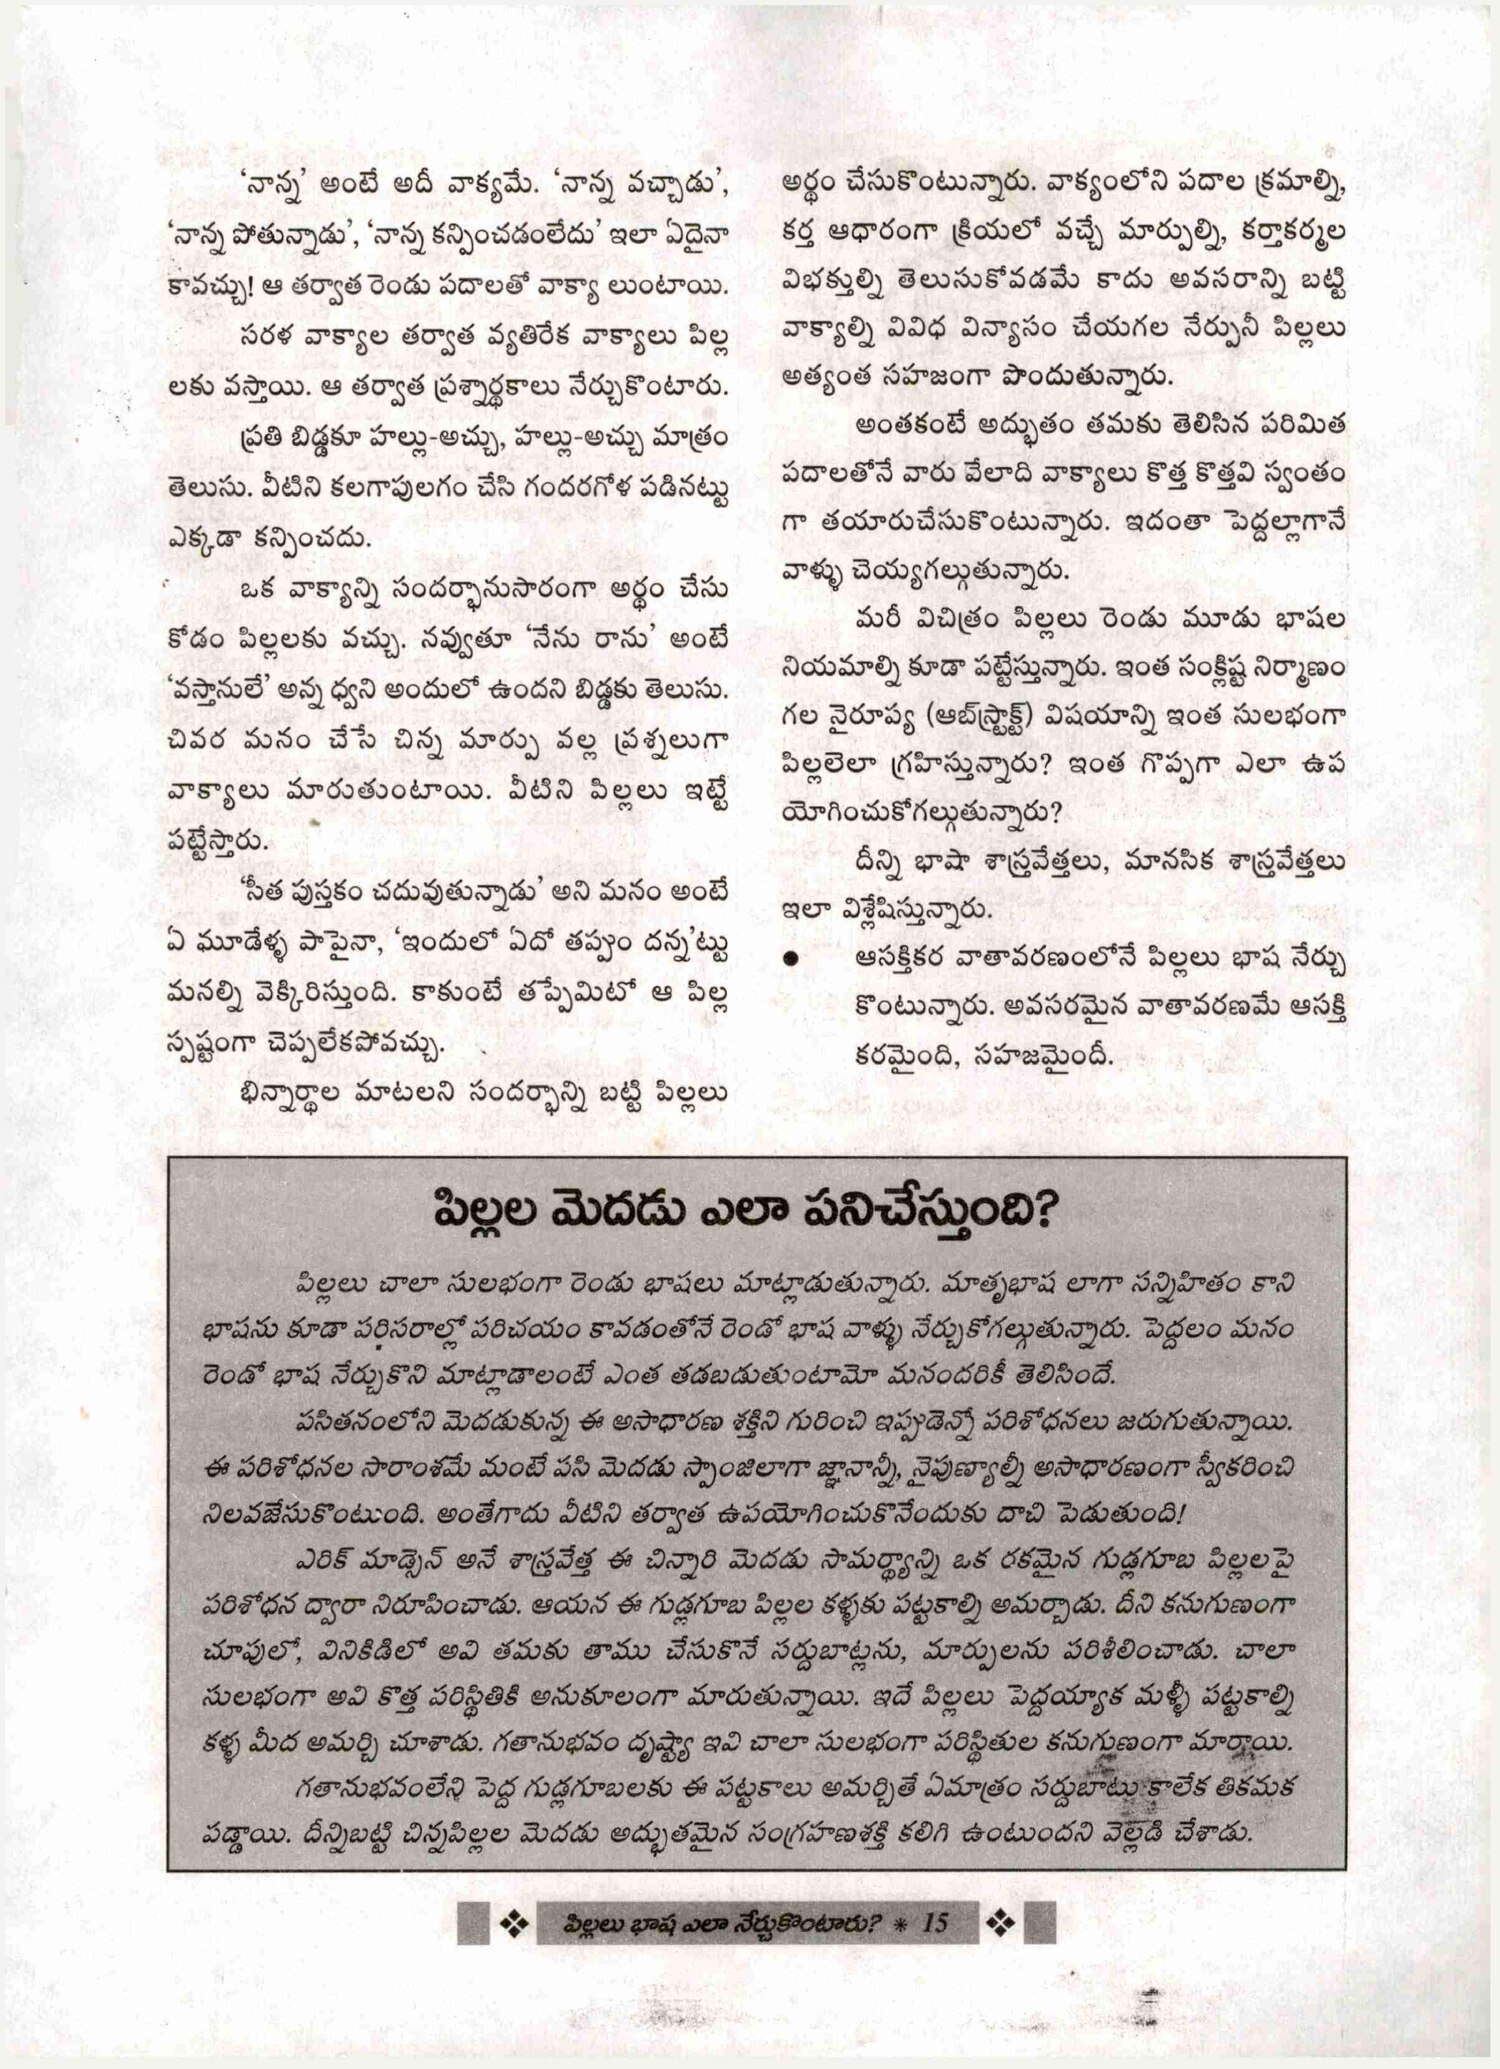'నాన్న' అంటే అదీ వాక్యమే. 'నాన్న వచ్చాడు', 'నాన్న పోతున్నాడు', 'నాన్న కన్పించడంలేదు' ఇలా ఏదైనా కావచ్చు! ఆ తర్వాత రెండు పదాలతో వాక్యాలుంటాయి.

సరళ వాక్యాల తర్వాత వ్యతిరేక వాక్యాలు పిల్లలకు వస్తాయి. ఆ తర్వాత ప్రశ్నార్థకాలు నేర్చుకొంటారు.

ప్రతి బిడ్డకూ హల్లు-అచ్చు, హల్లు- అచ్చు మాత్రం తెలుసు. వీటిని కలగాపులగం చేసి గందరగోళ పడినట్టు ఎక్కడా కన్పించదు.

ఒక వాక్యాన్ని సందర్భానుసారంగా అర్థం చేసుకోడం పిల్లలకు వచ్చు. నవ్వుతూ 'నేను రాను' అంటే ‘వస్తానులే' అన్న ధ్వని అందులో ఉందని బిడ్డకు తెలుసు. చివర మనం చేసే చిన్న మార్పు వల్ల ప్రశ్నలుగా వాక్యాలు మారుతుంటాయి. వీటిని పిల్లలు ఇట్టే పట్టేస్తారు.

'సీత పుస్తకం చదువుతున్నాడు' అని మనం అంటే ఏ మూడేళ్ళ పాపైనా, ‘ఇందులో ఏదో తప్పుం దన్న'ట్టు మనల్ని వెక్కిరిస్తుంది. కాకుంటే తప్పేమిటో ఆ పిల్ల స్పష్టంగా చెప్పలేకపోవచ్చు.

భిన్నార్థాల మాటలని సందర్భాన్ని బట్టి పిల్లలు అర్థం చేసుకొంటున్నారు. వాక్యంలోని పదాల క్రమాల్ని, కర్త ఆధారంగా క్రియలో వచ్చే మార్పుల్ని, కర్తాకర్మల విభక్తుల్ని తెలుసుకోవడమే కాదు అవసరాన్ని బట్టి వాక్యాల్ని వివిధ విన్యాసం చేయగల నేర్పునీ పిల్లలు అత్యంత సహజంగా పొందుతున్నారు.

అంతకంటే అద్భుతం తమకు తెలిసిన పరిమిత పదాలతోనే వారు వేలాది వాక్యాలు కొత్త కొత్తవి స్వంతంగా తయారుచేసుకొంటున్నారు. ఇదంతా పెద్దల్లాగానే వాళ్ళు చెయ్యగల్గుతున్నారు.

మరీ విచిత్రం పిల్లలు రెండు మూడు భాషల నియమాల్ని కూడా పట్టేస్తున్నారు. ఇంత సంక్లిష్ట నిర్మాణం గల నైరూప్య (ఆబ్‌స్ట్రాక్ట్) విషయాన్ని ఇంత సులభంగా పిల్లలెలా గ్రహిస్తున్నారు? ఇంత గొప్పగా ఎలా ఉపయోగించుకోగల్గుతున్నారు?

దీన్ని భాషా శాస్త్రవేత్తలు, మానసిక శాస్త్రవేత్తలు ఇలా విశ్లేషిస్తున్నారు.

 ఆసక్తికర వాతావరణంలోనే పిల్లలు భాష నేర్చుకొంటున్నారు. అవసరమైన వాతావరణమే ఆసక్తికరమైంది, సహజమైందీ.

పిల్లల మెదడు ఎలా పనిచేస్తుంది?

పిల్లలు చాలా సులభంగా రెండు భాషలు మాట్లాడుతున్నారు. మాతృభాష లాగా సన్నిహితం కాని భాషను కూడా పరిసరాల్లో పరిచయం కావడంతోనే రెండో భాష వాళ్ళు నేర్చుకోగల్గుతున్నారు. పెద్దలం మనం రెండో భాష నేర్చుకొని మాట్లాడాలంటే ఎంత తడబడుతుంటామో మనందరికీ తెలిసిందే.

పసితనంలోని మెదడుకున్న ఈ అసాధారణ శక్తిని గురించి ఇప్పుడెన్నో పరిశోధనలు జరుగుతున్నాయి. ఈ పరిశోధనల సారాంశమే మంటే పసి మెదడు స్పాంజిలాగా జ్ఞానాన్నీ, నైపుణ్యాల్నీ అసాధారణంగా స్వీకరించి నిలవజేసుకొంటుంది. అంతేగాదు వీటిని తర్వాత ఉపయోగించుకొనేందుకు దాచి పెడుతుంది!

ఎరిక్ మాడ్సెన్ అనే శాస్త్రవేత్త ఈ చిన్నారి మెదడు సామర్థ్యాన్ని ఒక రకమైన గుడ్లగూబ పిల్లలపై పరిశోధన ద్వారా నిరూపించాడు. ఆయన ఈ గుడ్లగూబ పిల్లల కళ్ళకు పట్టకాల్ని అమర్చాడు. దీని కనుగుణంగా చూపులో, వినికిడిలో అవి తమకు తాము చేసుకొనే సర్దుబాట్లను, మార్పులను పరిశీలించాడు. చాలా సులభంగా అవి కొత్త పరిస్థితికి అనుకూలంగా మారుతున్నాయి. ఇదే పిల్లలు పెద్దయ్యాక మళ్ళీ పట్టకాల్ని కళ్ళ మీద అమర్చి చూశాడు. గతానుభవం దృష్ట్యా ఇవి చాలా సులభంగా పరిస్థితుల కనుగుణంగా మారాయి.

గతానుభవంలేని పెద్ద గుడ్లగూబలకు ఈ పట్టకాలు అమర్చితే ఏమాత్రం సర్దుబాటు కాలేక తికమక పడ్డాయి. దీన్నిబట్టి చిన్నపిల్లల మెదడు అద్భుతమైన సంగ్రహణశక్తి కలిగి ఉంటుందని వెల్లడి చేశాడు.